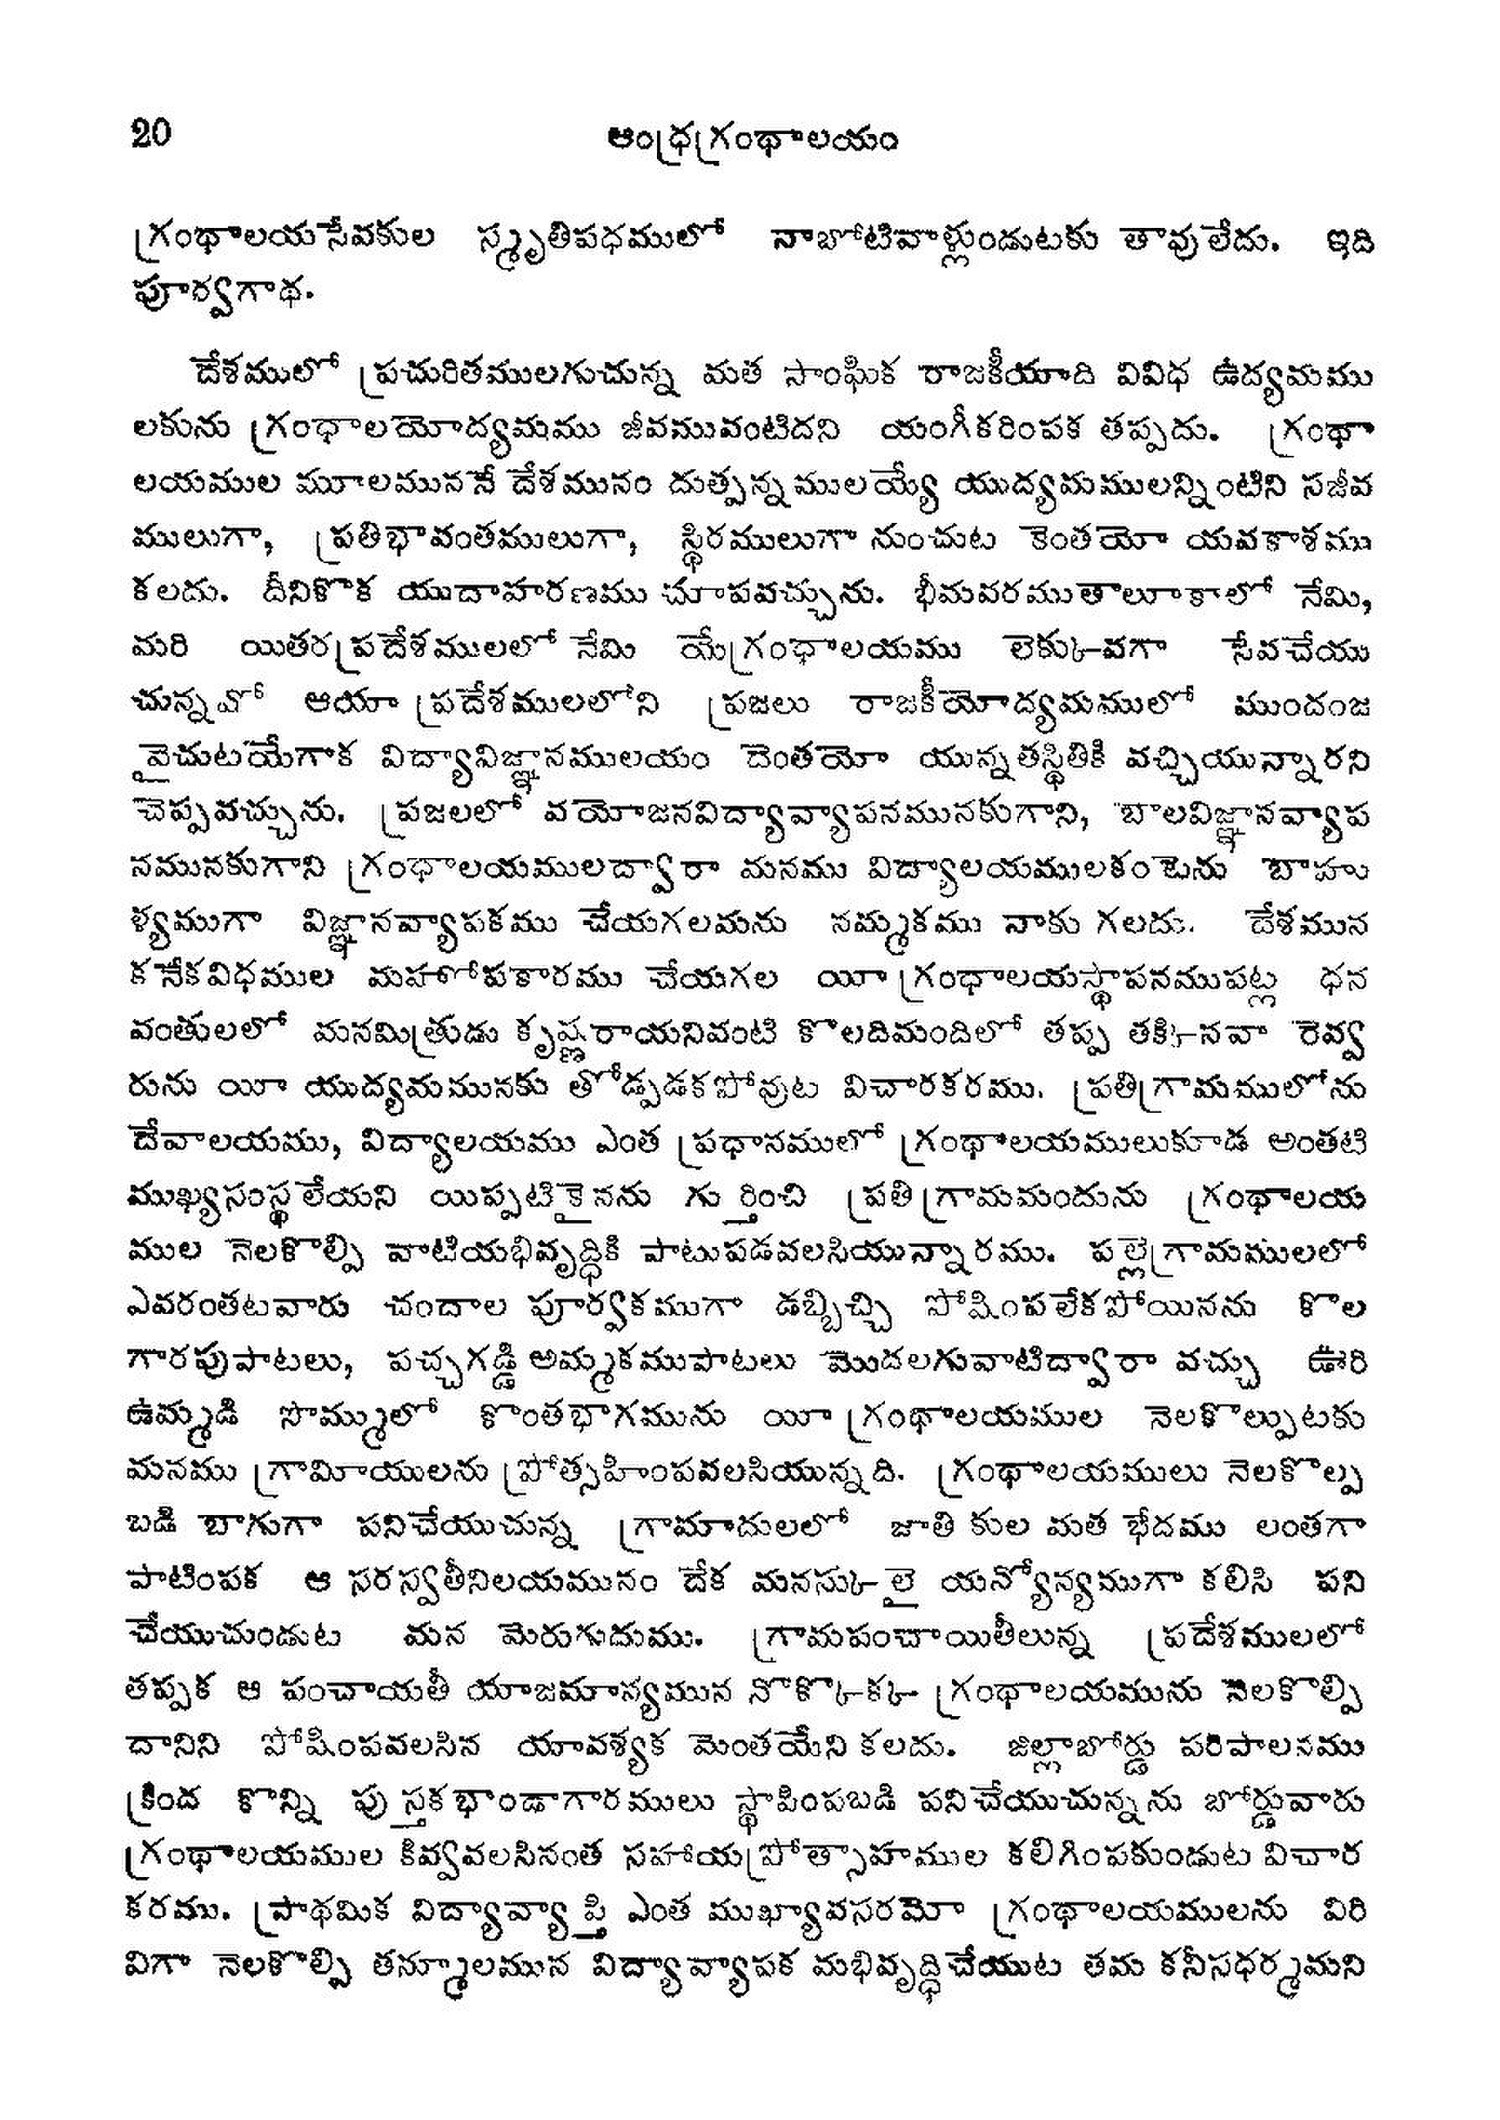గ్రంథాలయ సేవకుల స్మృతిపధములో నాబోటివాళ్లుండుటకు తావులేదు. ఇది పూర్వగాథ.

దేశములో ప్రచురితములగుచున్న మత సాంఘిక రాజకీయాది వివిధ ఉద్యమము లకును గ్రంధాలయోద్యమము జీవము వంటిదని యంగీకరింపక తప్పదు. గ్రంథాలయముల మూలముననే దేశమునందుత్పన్నములయ్యే యుద్యమములన్నింటిని సజీవములుగా, ప్రతిభావంతములుగా, స్థిరములుగా నుంచుట కెంతయో యవకాశము కలదు. దీనికొక యుదాహరణము చూపవచ్చును. భీమవరముతాలూకాలో నేమి, మరి యితర ప్రదేశములలో నేమి యేగ్రంధాలయము లెక్కువగా సేవచేయు చున్నవో ఆయా 
ప్రదేశములలోని ప్రజలు రాజకీయోద్యమములో ముందంజ వైచుటయేగాక విద్యావిజ్ఞానములయం దంతయో యున్నతస్థితికి 
వచ్చియున్నారని చెప్పవచ్చును. ప్రజలలో వయోజనవిద్యావ్యాపనమునకుగాని, బాలవిజ్ఞానవ్యాపనమునకుగాని గ్రంధాలయముల
ద్వారా మనము విద్యాలయములకంటెను బాహుశ్యముగా విజ్ఞానవ్యాపకము చేయగలమను నమ్మకము నాకు గలదు. కనేక 
విధముల మహోపకారము చేయగల యీ గ్రంథాలయస్థాపనముపట్ల ధనవంతులలో మనమిత్రుడు కృష్ణ రాయనివంటి 
కొలదిమందిలో తప్ప తక్కినవా రెవ్వరును యీ యుద్యమమునకు తోడ్పడకపోవుట విచారకరము. ప్రతిగ్రామములోను
దేవాలయము, విద్యాలయము ఎంత ప్రధానములో గ్రంథాలయములుకూడ అంతటి ముఖ్య సంస్థ లేయని యిప్పటికైనను 
గుర్తించి ప్రతి గ్రామమందును గ్రంథాలయ ముల నెలకొల్పి వాటియభివృద్ధికి పాటుపడవలసియున్నారము. పల్లెగ్రామములలో
ఎవరంతటవారు చందాల పూర్వకముగా డబ్బిచ్చి పోషింపలేకపోయినను కొలగారపుపాటలు, పచ్చగడ్డి అమ్మకము పాటలు మొదలగువాటిద్వారా వచ్చు ఊరిఉమ్మడి సొమ్ములో కొంతభాగమును యీ గ్రంథాలయముల నెలకొల్పుటకు మనము 
గ్రామీయులను ప్రోత్సహింపవలసియున్నది. గ్రంథాలయములు నెలకొల్పబడి బాగుగా పనిచేయుచున్న గ్రామాదులలో జాతి 
కుల మత భేదము లంతగా పాటింపక ఆ సరస్వతీ నిలయమునం దేక మనస్కులై యన్యోన్యముగా కలిసి పని
చేయుచుండుట మన మెరుగుదుము. గ్రామపంచాయితీలున్న ప్రదేశములలో తప్పక ఆ పంచాయతీ యాజమాన్యమున నొక్కొక్క గ్రంథాలయమును నెలకొల్పిదానిని పోషించవలసిన యావశ్యక మెంతయేని కలదు. జిల్లాబోర్డు పరిపాలనము క్రింద కొన్ని పుస్తక భాండాగారములు స్థాపింపబడి పనిచేయుచున్నను బోర్డువారు గ్రంథాలయముల కివ్వవలసినంత సహాయప్రోత్సాహముల 
కలిగింపకుండుట విచారకరము. ప్రాథమిక విద్యావ్యాప్తి ఎంత ముఖ్యావసరమో గ్రంథాలయములను విరివిగా నెలకొల్పి 
తన్మూలమున విద్యావ్యాపక మభివృద్ధిచేయుట తమ కనీసధర్మమని